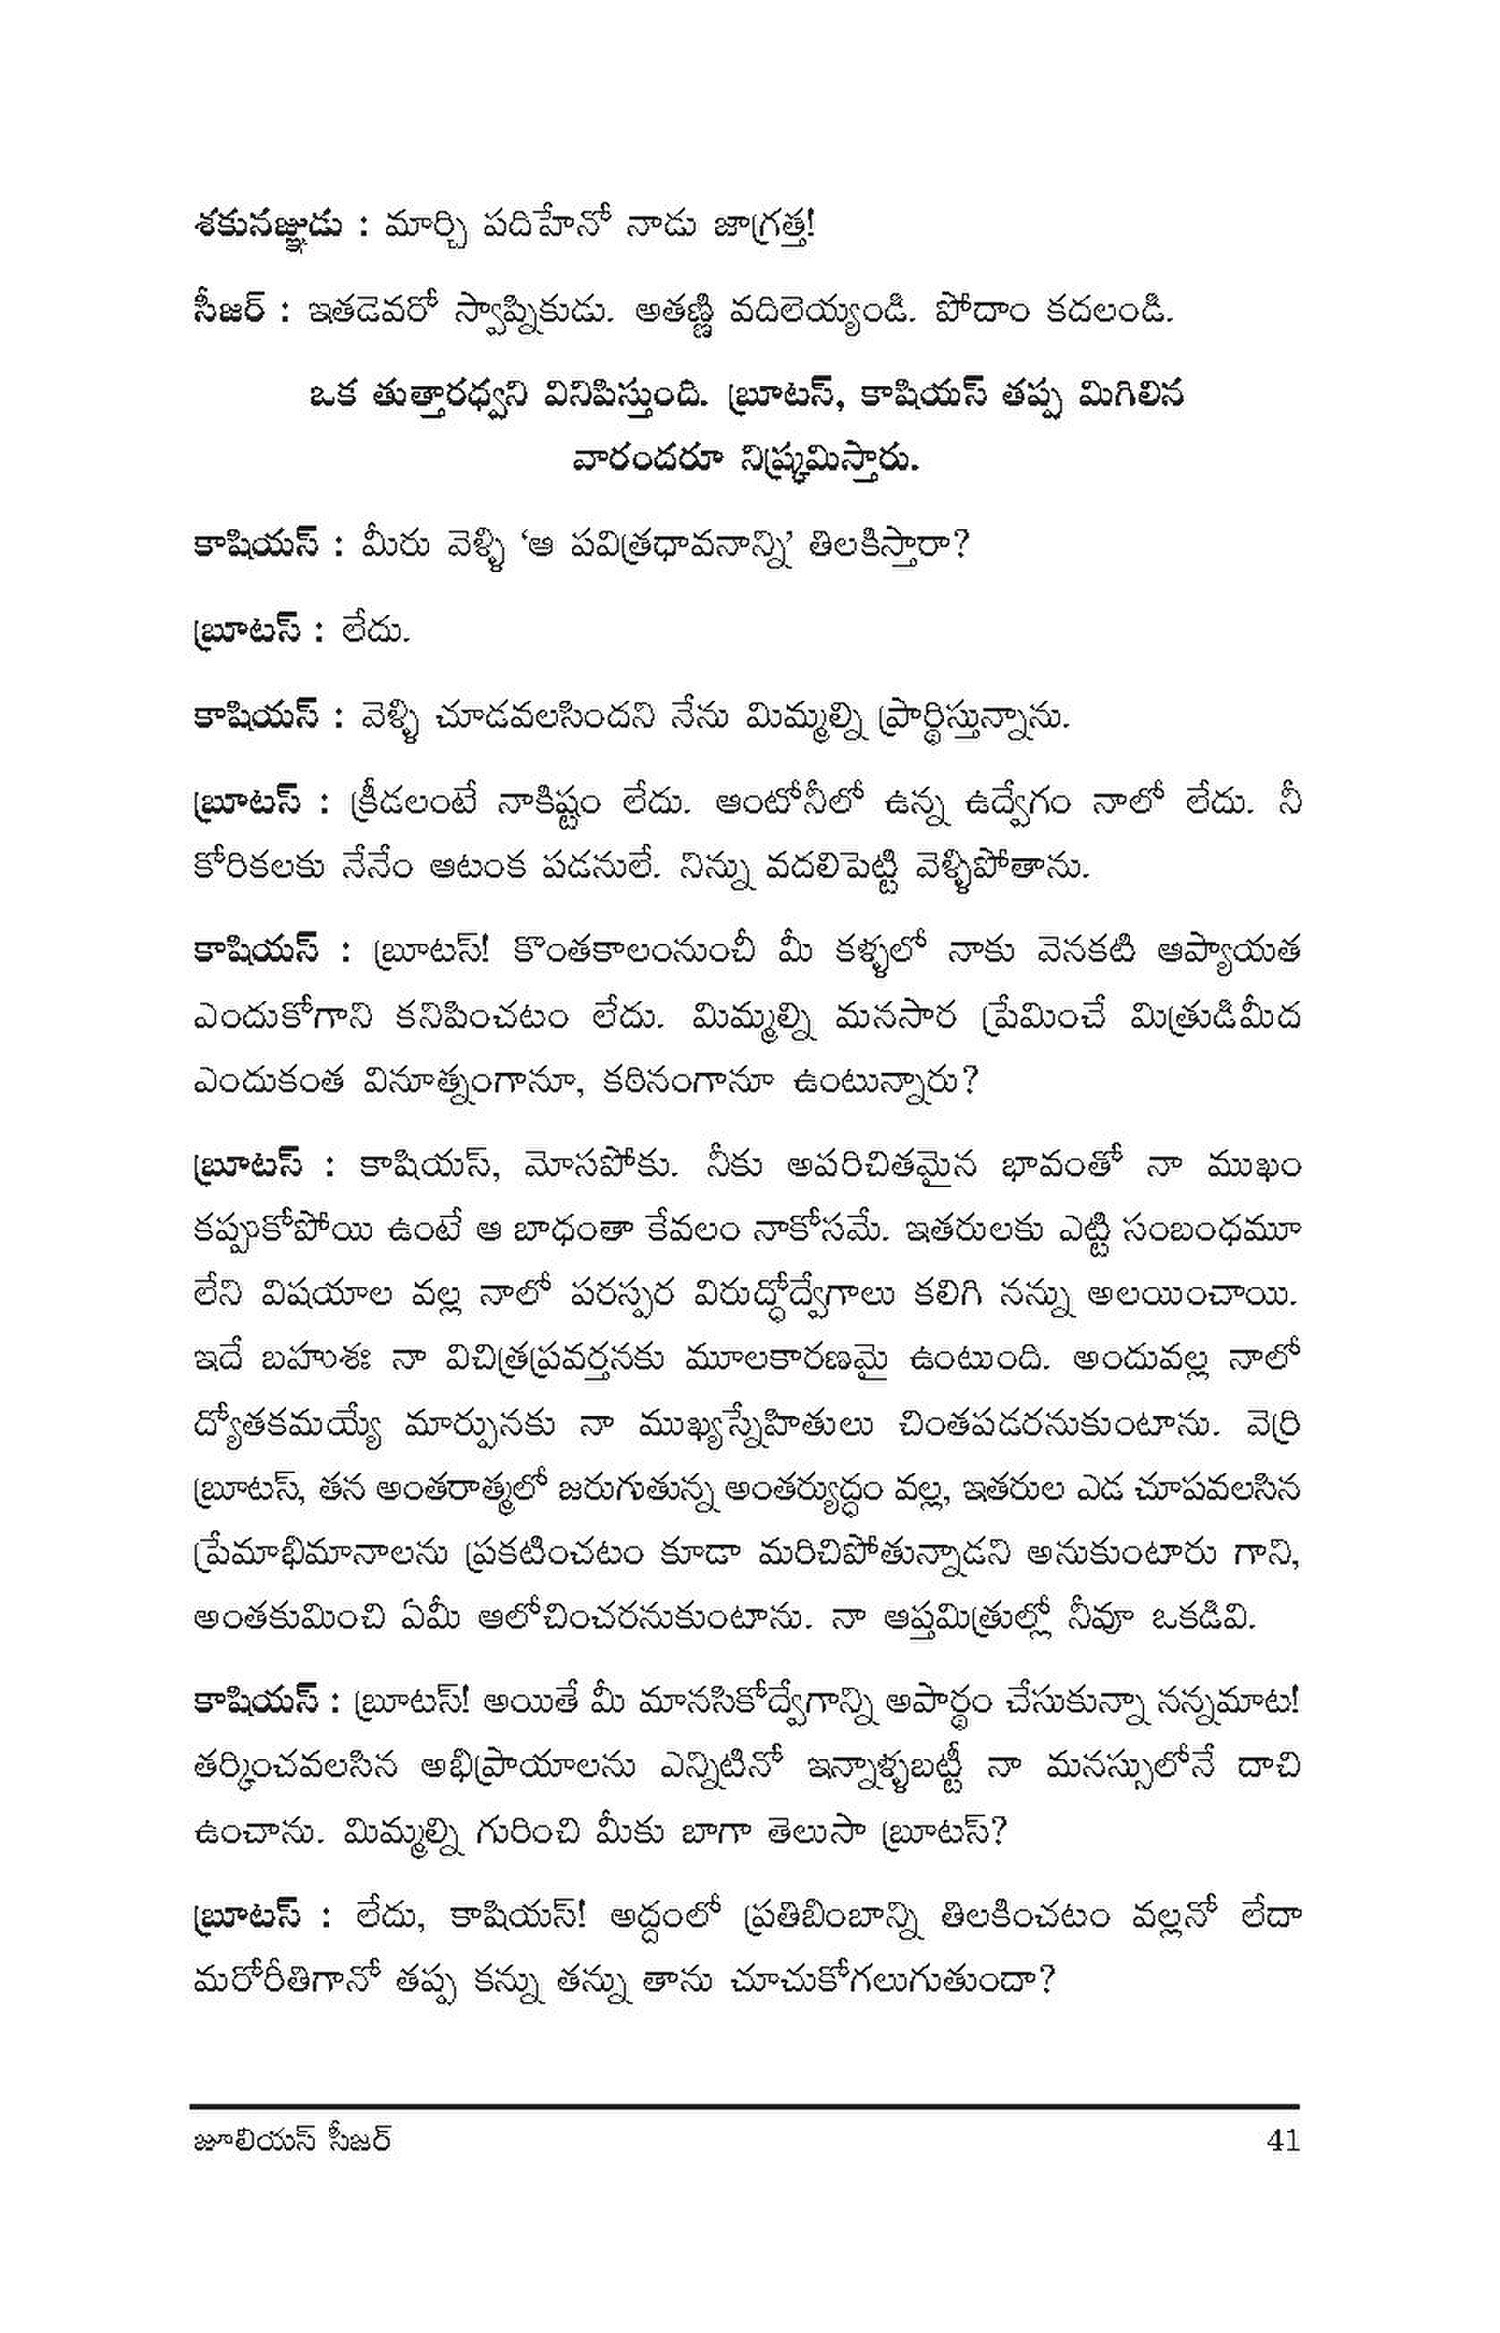శకునజ్ఞుడు : మార్చి పదిహేనో నాడు జాగ్రత్త!

సీజర్ : ఇతడెవరో స్వాప్నికుడు. అతణ్ణి వదిలెయ్యండి. పోదాం కదలండి.

కాషియస్ : మీరు వెళ్ళి 'ఆ పవిత్రధావనాన్ని' తిలకిస్తారా?

బ్రూటస్ : లేదు.

కాషియస్ : వెళ్ళి చూడవలసిందని నేను మిమ్మల్ని ప్రార్థిస్తున్నాను.

బ్రూటస్ : క్రీడలంటే నాకిష్టం లేదు. ఆంటోనీలో ఉన్న ఉద్వేగం నాలో లేదు. నీ కోరికలకు నేనేం ఆటంక పడనులే. నిన్ను వదలిపెట్టి వెళ్ళిపోతాను.

కాషియస్ : బ్రూటస్! కొంతకాలంనుంచీ మీ కళ్ళలో నాకు వెనకటి ఆప్యాయత ఎందుకోగాని కనిపించటం లేదు. మిమ్మల్ని మనసార ప్రేమించే మిత్రుడిమీద ఎందుకంత వినూత్నంగానూ, కఠినంగానూ ఉంటున్నారు?

బ్రూటస్ : కాషియస్, మోసపోకు. నీకు అపరిచితమైన భావంతో నా ముఖం కప్పుకోపోయి ఉంటే ఆ బాధంతా కేవలం నాకోసమే. ఇతరులకు ఎట్టి సంబంధమూ లేని విషయాల వల్ల నాలో పరస్పర విరుద్ధోద్వేగాలు కలిగి నన్ను అలయించాయి. ఇదే బహుశః నా విచిత్రప్రవర్తనకు మూలకారణమై ఉంటుంది. అందువల్ల నాలో ద్యోతకమయ్యే మార్పునకు నా ముఖ్యస్నేహితులు చింతపడరనుకుంటాను. వెర్రి బ్రూటస్, తన అంతరాత్మలో జరుగుతున్న అంతర్యుద్ధం వల్ల, ఇతరుల ఎడ చూపవలసిన ప్రేమాభిమానాలను ప్రకటించటం కూడా మరిచిపోతున్నాడని అనుకుంటారు గాని,
అంతకుమించి ఏమీ ఆలోచించరనుకుంటాను. నా ఆప్తమిత్రుల్లో నీవూ ఒకడివి.

కాషియస్ : బ్రూటస్! అయితే మీ మానసికోద్వేగాన్ని అపార్థం చేసుకున్నా నన్నమాట! తర్కించవలసిన అభిప్రాయాలను ఎన్నిటినో ఇన్నాళ్ళబట్టీ నా మనస్సులోనే దాచి ఉంచాను. మిమ్మల్ని గురించి మీకు బాగా తెలుసా బ్రూటస్?

బ్రూటస్ : లేదు, కాషియస్! అద్దంలో ప్రతిబింబాన్ని తిలకించటం వల్లనో లేదా మరోరీతిగానో తప్ప కన్ను తన్ను తాను చూచుకోగలుగుతుందా?